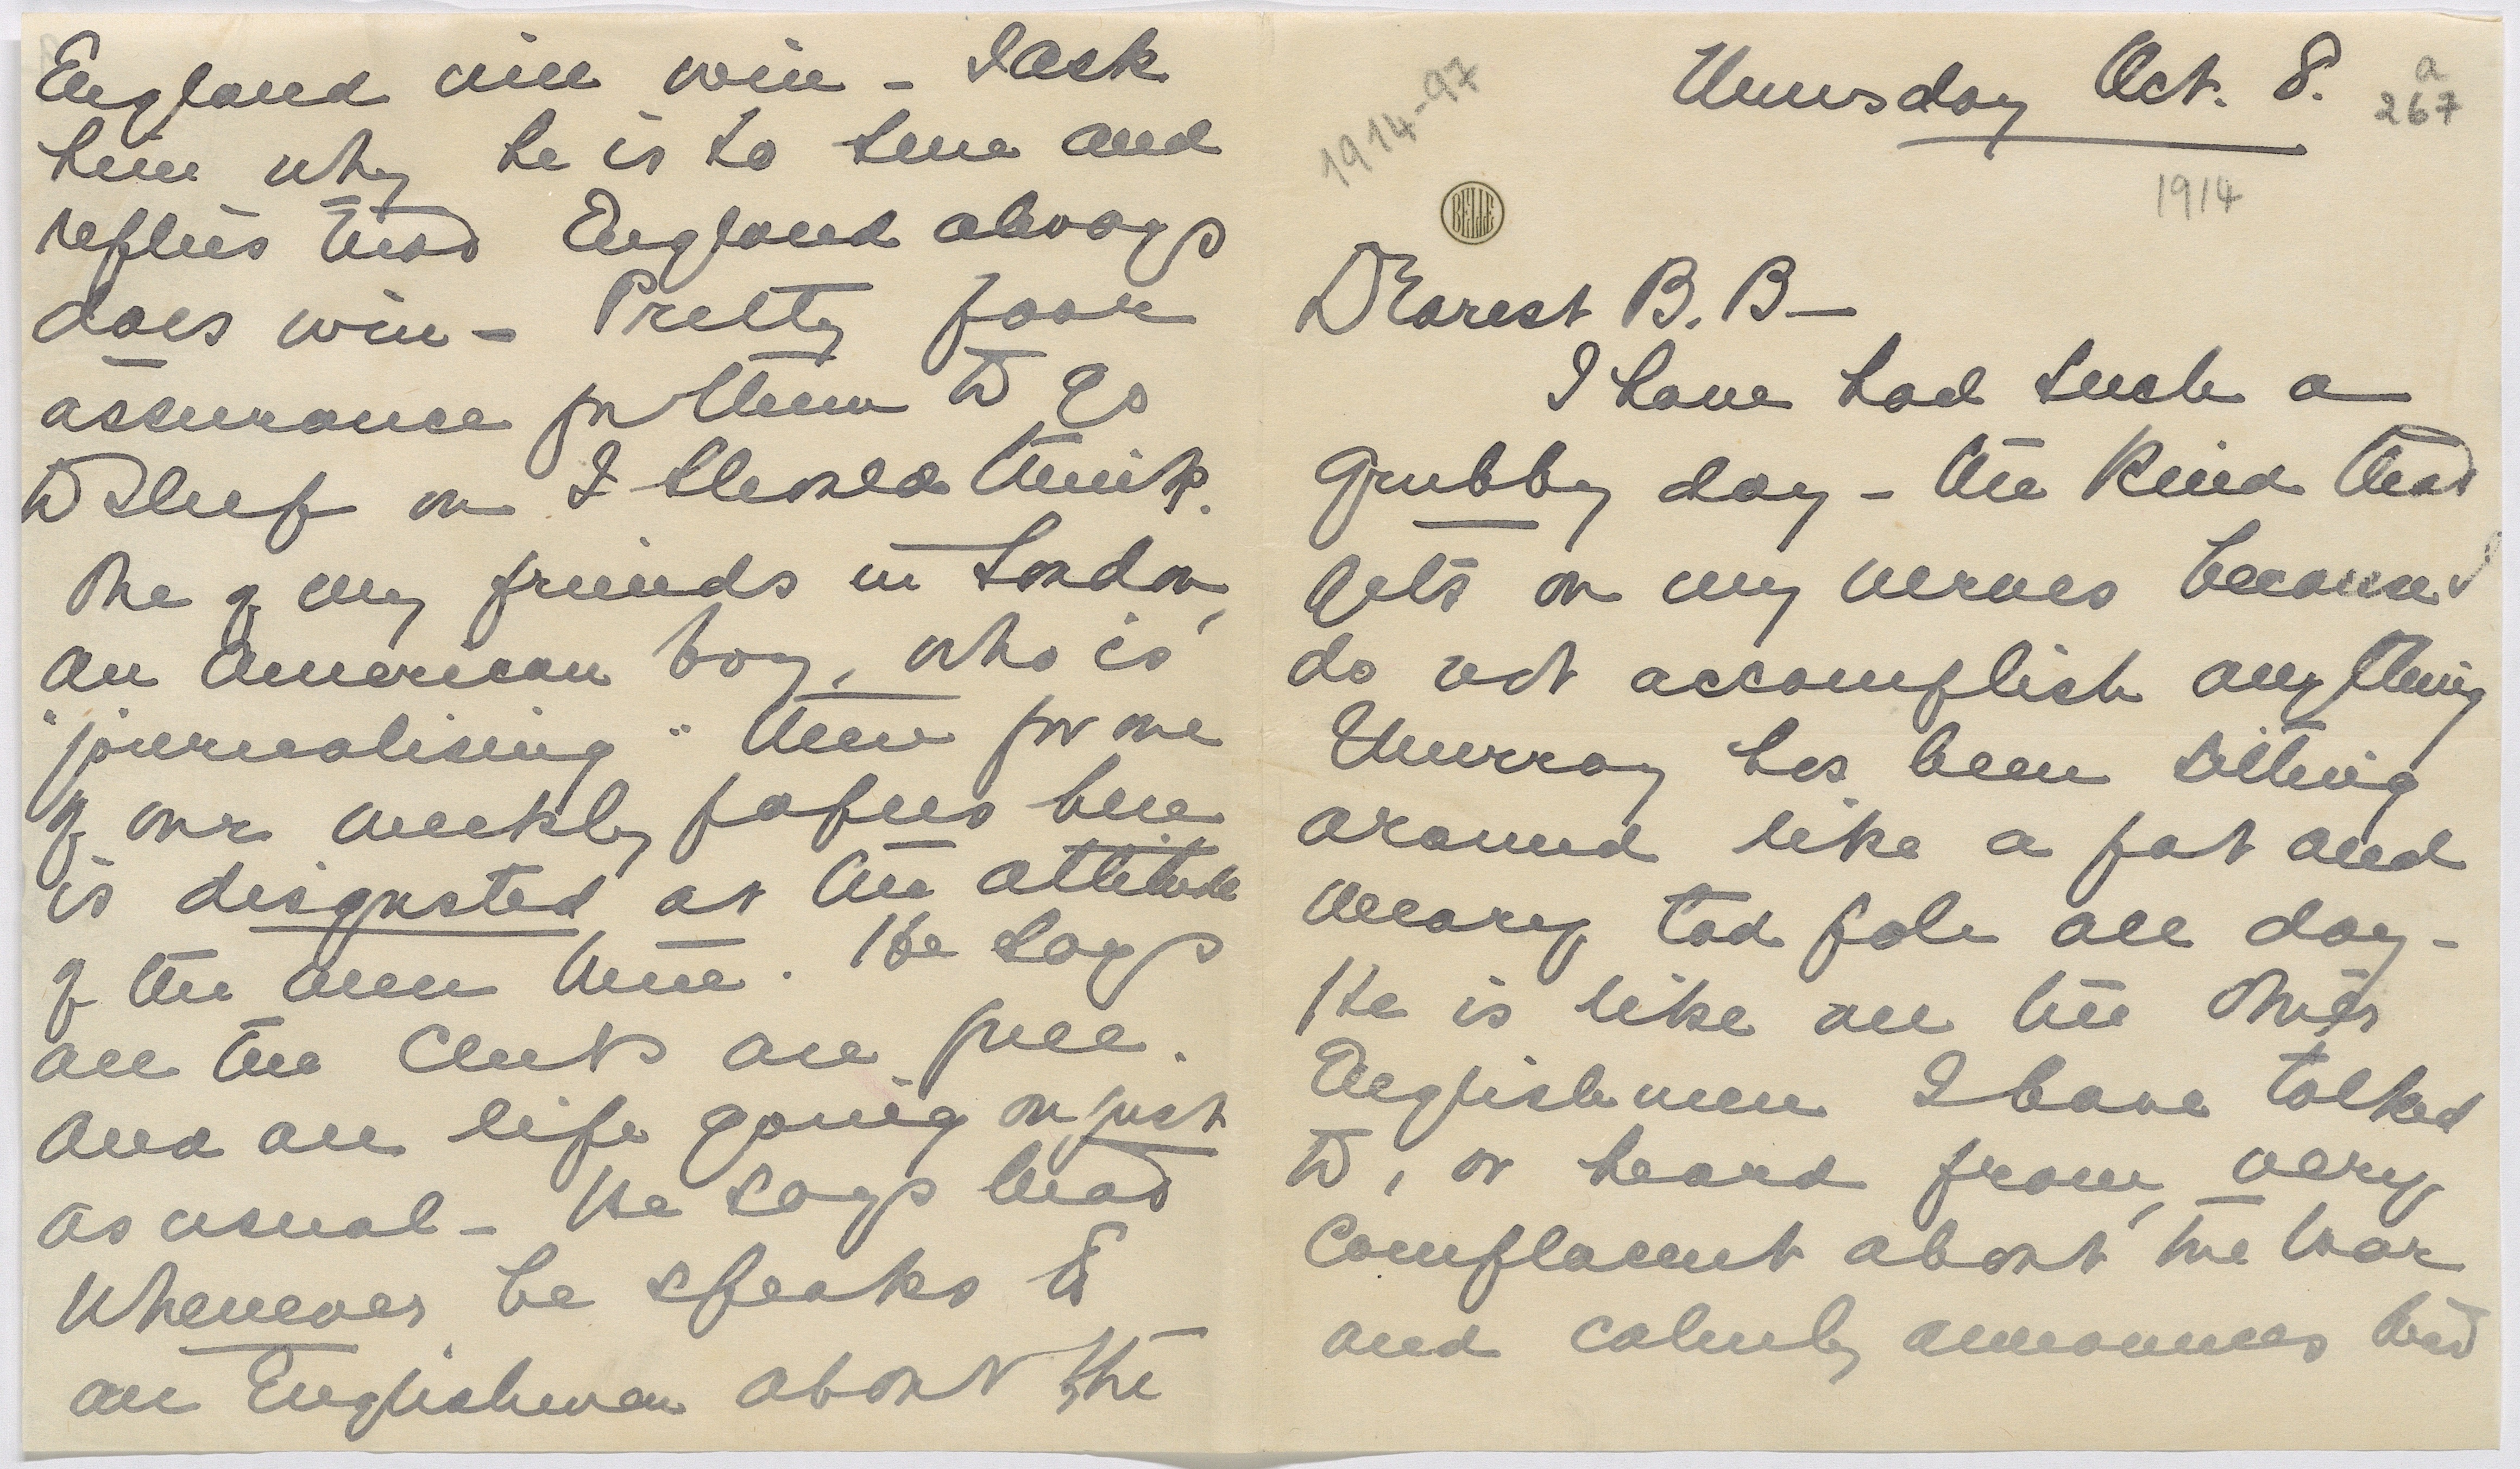Thursday Oct. 8.
Dearest B.B –
I have had such a grubby day – the kind that gets on my nerves because I do not accomplish anything
Murray has been sitting around like a fat and weary tad pole all day –
He is like all the other Englishmen I have talked to, or heard from very complacent about the War and calmly announces that
England will win – I ask him why he is so sure and replies that England always does win – Pretty poor assurance for them to go to sleep on I should think.
One of my friends in London, an American boy, who is “journalising” there for one of our weekly papers here is disgusted at the attitude of the men there. He says all the clubs are full and all life going on just as usual – He says that whenever he speaks to an Englishman about the